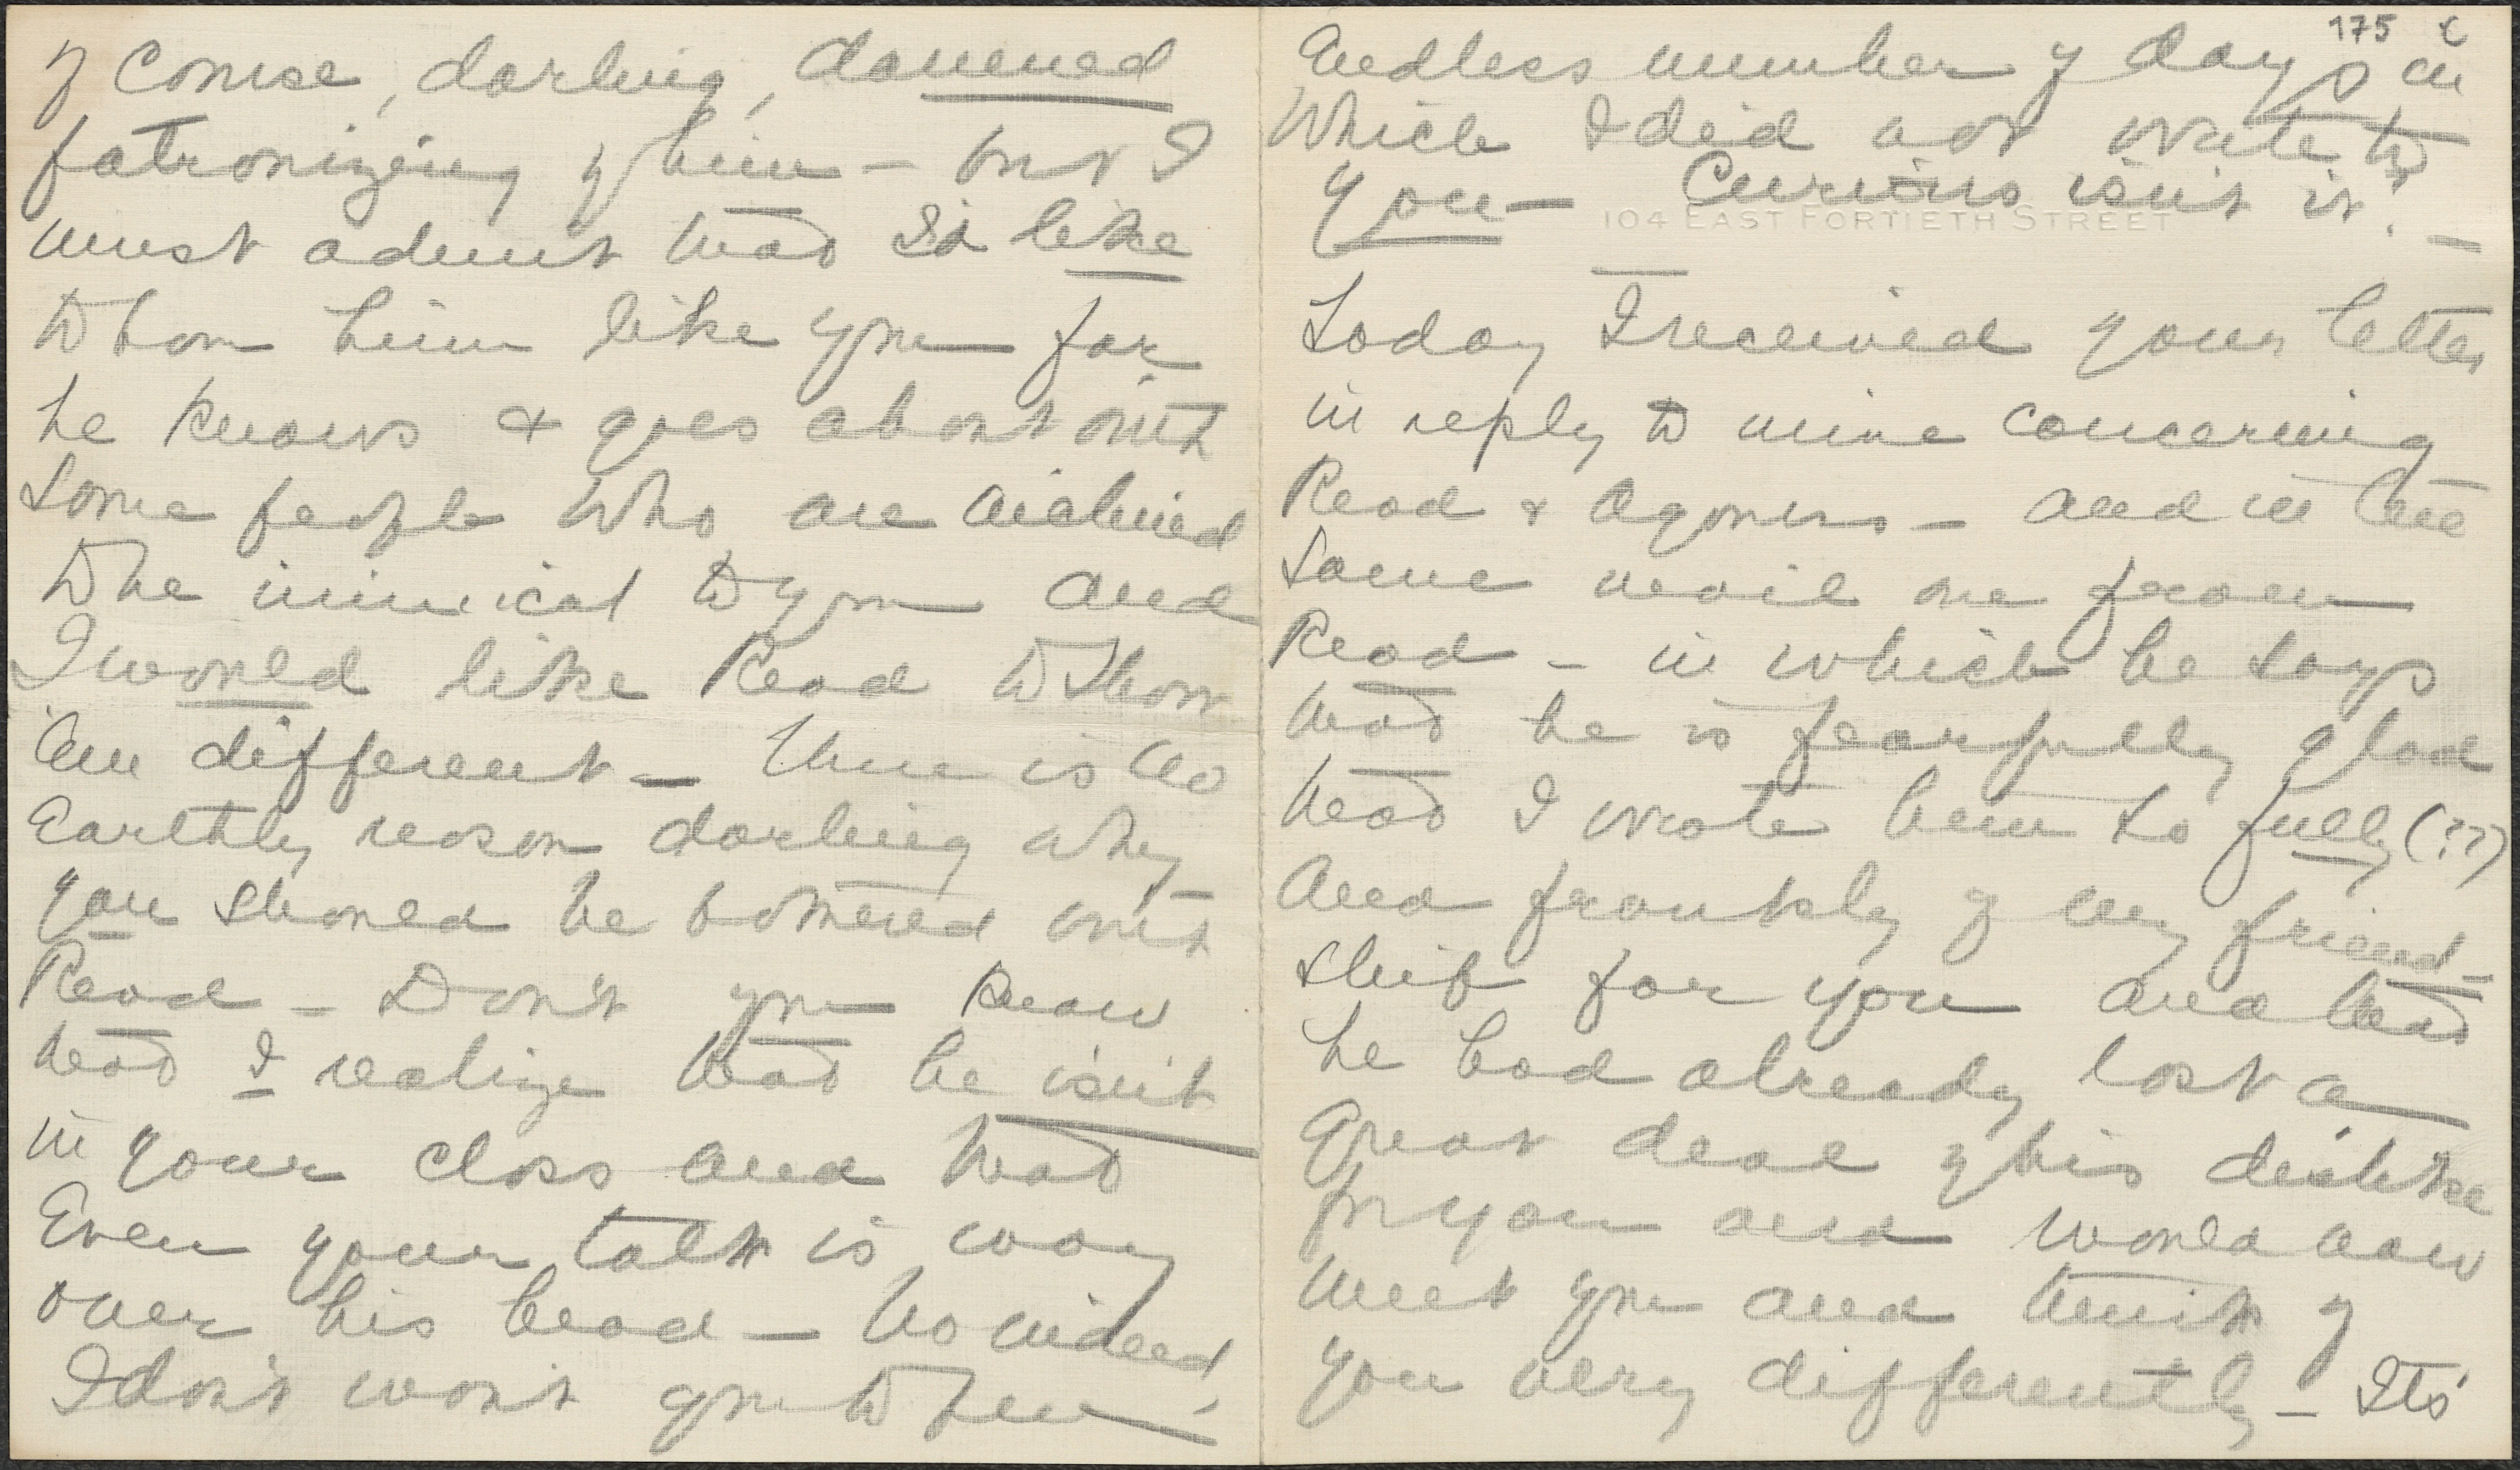endless number of days in which I did not write to you – Curious isn’t it? –
Today I received your letter in reply to mine concerning Read & Agoness – and in the same mail one from Read – in which he says that he is fearfully glad that I wrote him so fully (??) and frankly of my friendship for you and that he had already lost a great deal of his dislike for you and would now meet you and think of you very differently – It’s
of course, darling, damned patronizing of him – but I must admit that I’d like to have him like you for he knows & goes about with some people who are inclined to be inimical to you and I would like Read to show ‘em different – There is no earthly reason darling why you should be bothered with Read – Don’t you know that I realize that he isn’t in your class and that even your talk is way over his head – No indeed, I don’t want you to feel